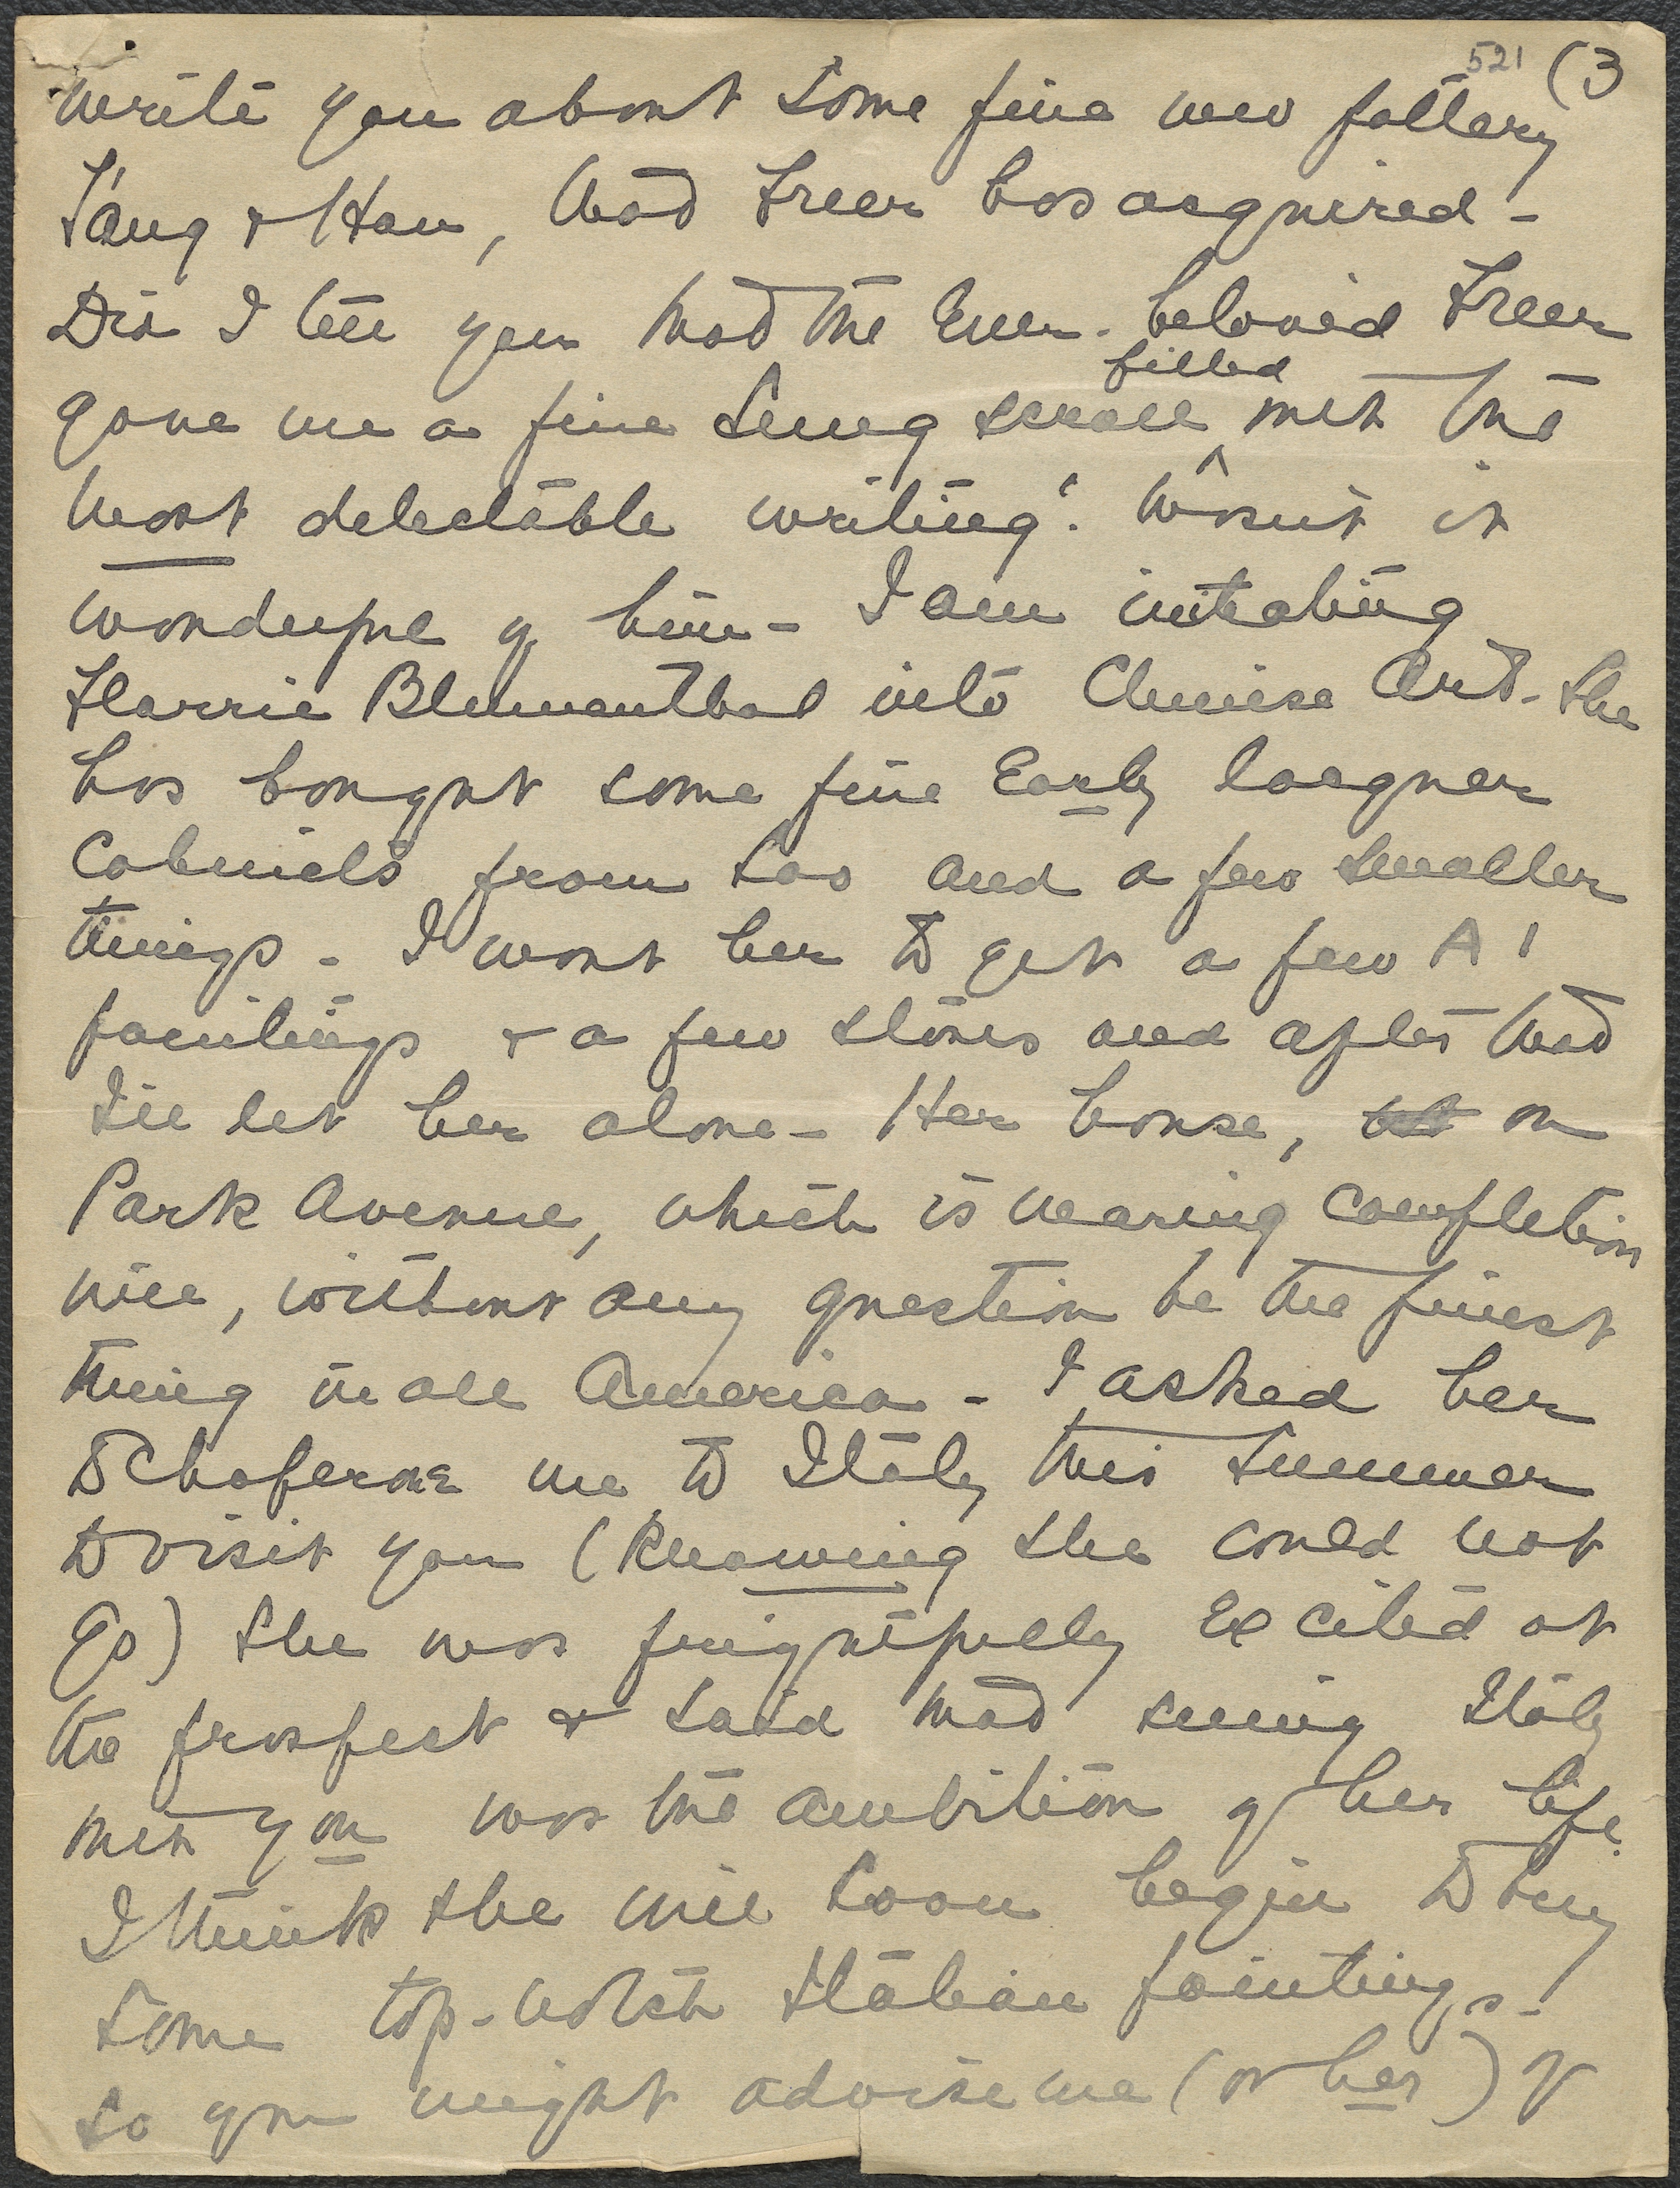write you about some fine new pottery T'ang & Han, that Freer has acquired – Did I tell you that the ever-beloved Freer gave me a fine Sung scroll [^filled^] with the most delectable writing! Wasn't it wonderful of him – I am initiating Florrie Blumenthal into Chinese Art. She has bought some fine early lacquer cabinets from Loo and a few smaller things – I want her to get a few [note: written in print script: AI] paintings & a few stones and after that I'll let her alone – Her house but on Park Avenue, which is nearing completion will, without any question be the finest thing in all America – I asked her to chaperone me to Italy this summer to visit you (knowing she could not go) She was frightfully excited at the prospect & said that seeing Italy with you was the ambition of her life. I think she will soon begin to buy some top-notch Italian paintings – so you might advise me (or her) of